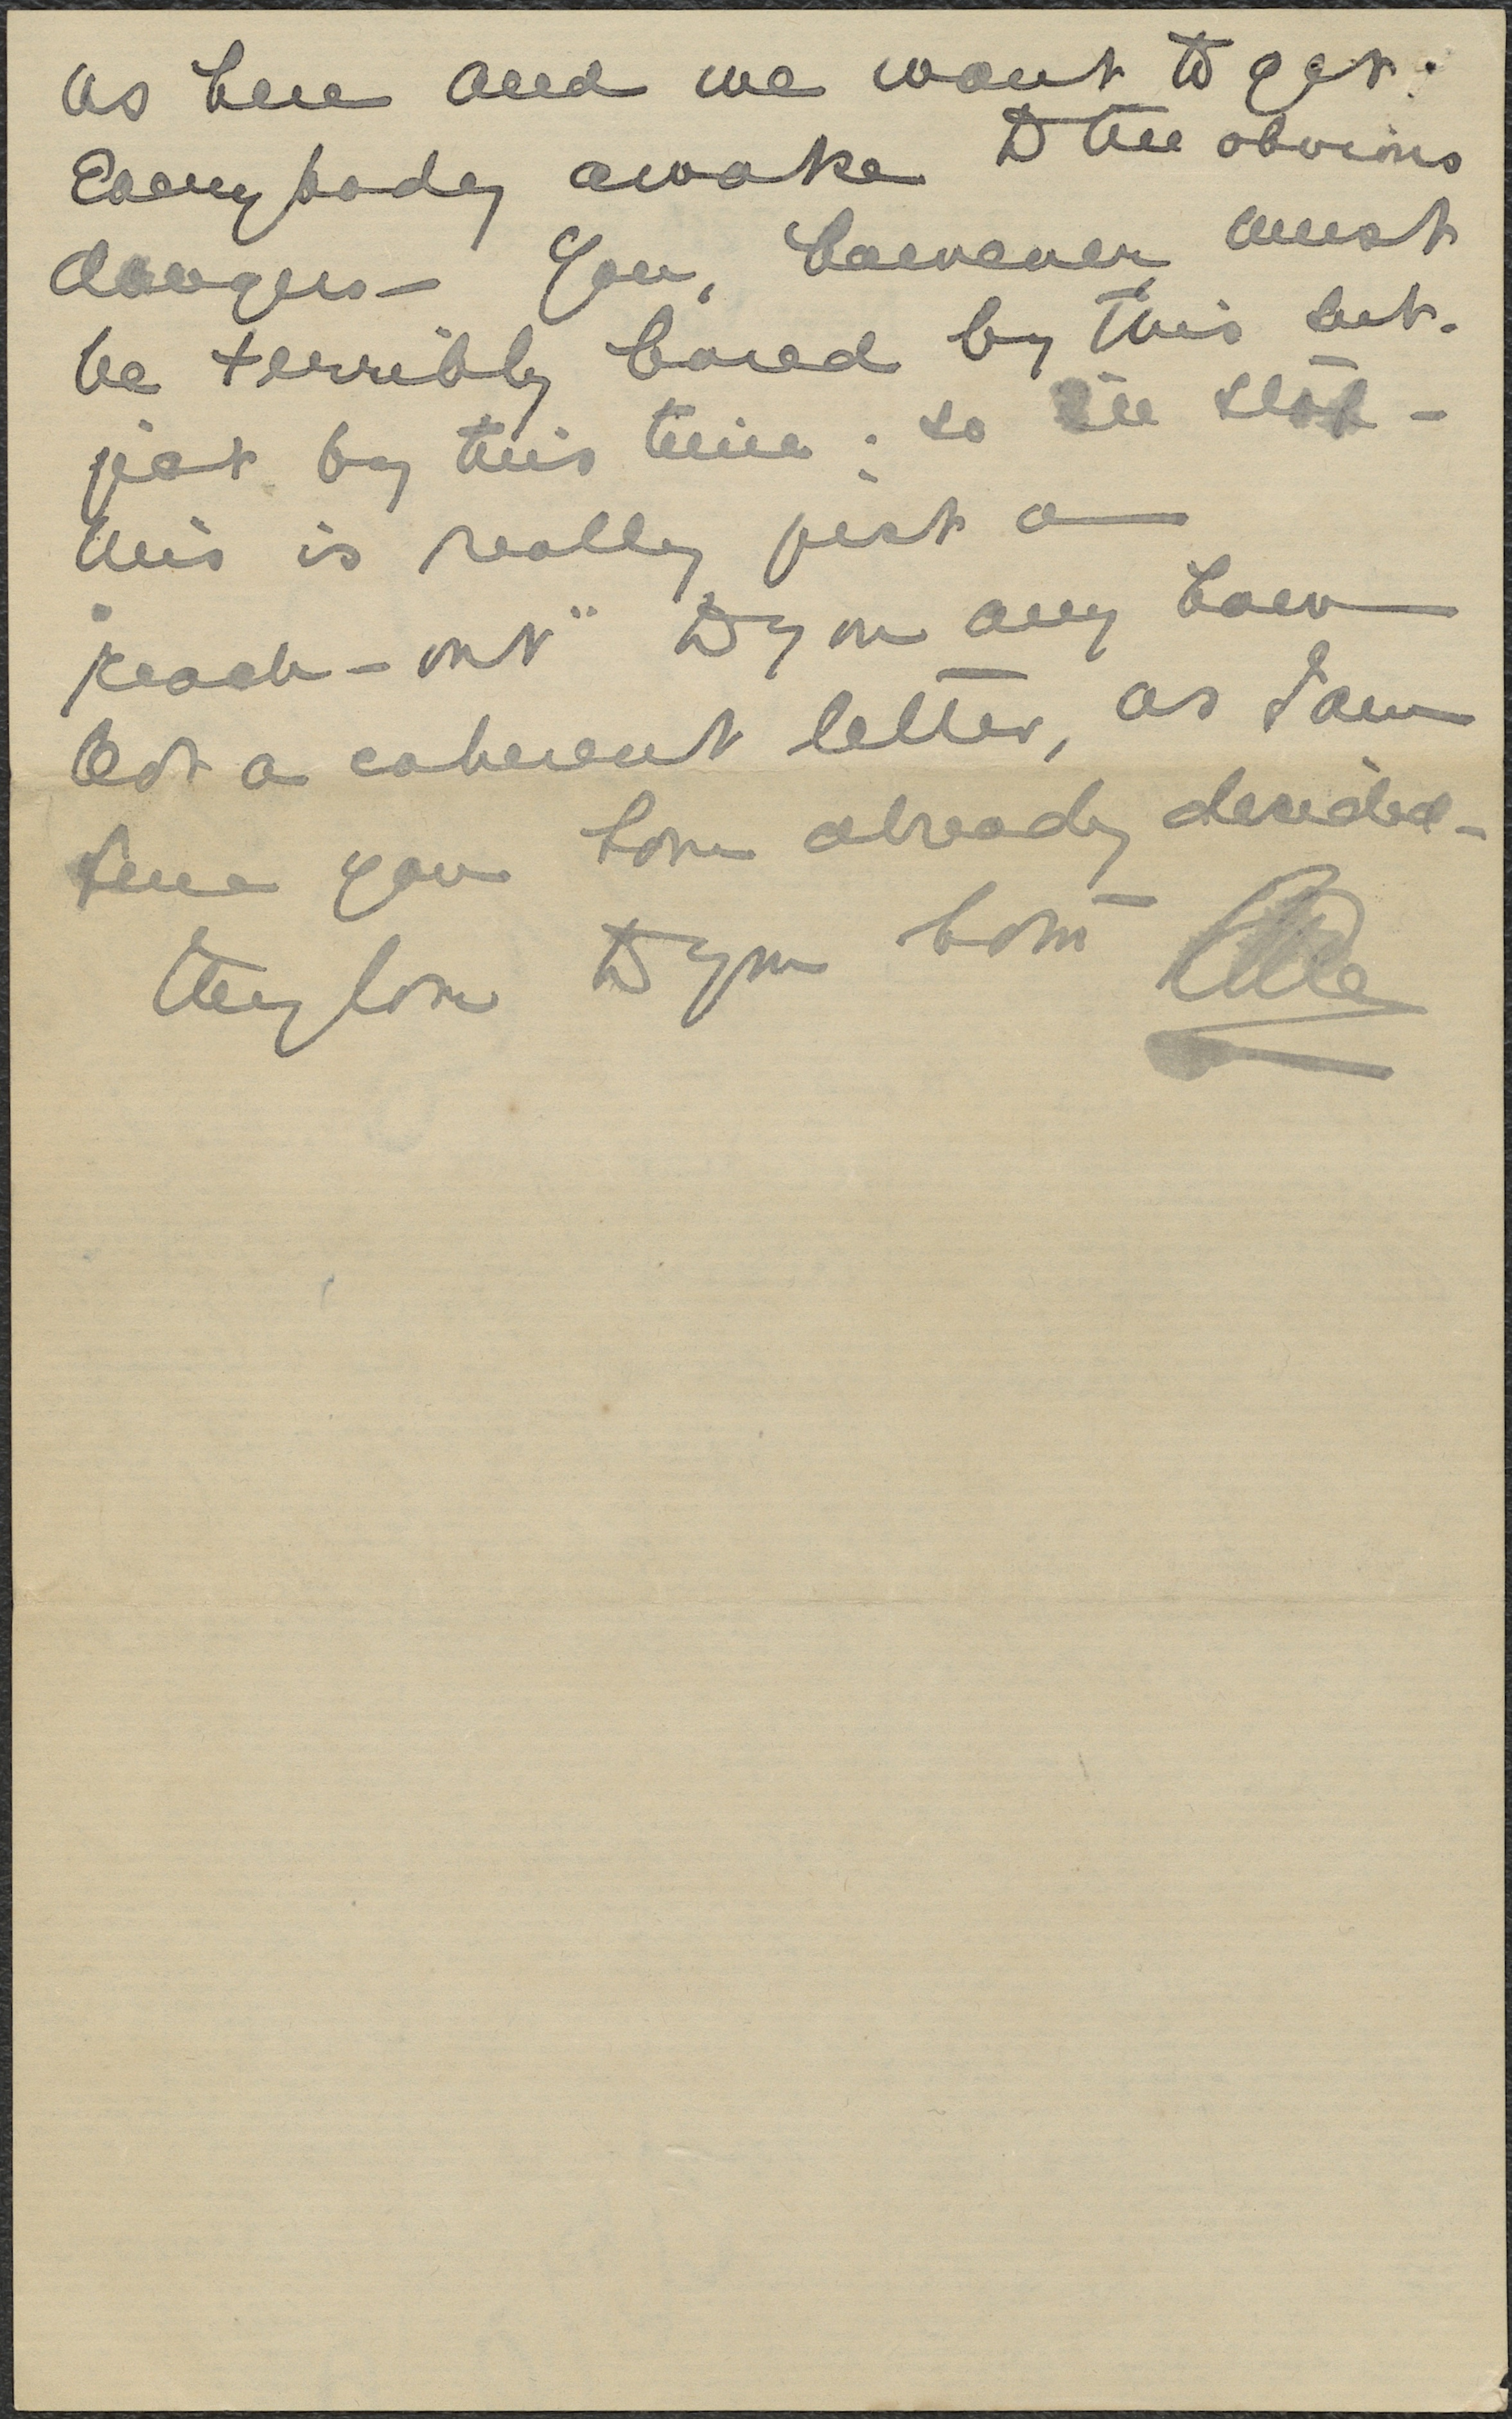us here and we want to get everybody awake to the obvious dangers – You, however must be terribly bored by this subject by this time: so I'll stop – this is really just a "reach-out" to you any how [sic] not a coherent letter, as I am sure you have already decided – My love to you both Belle